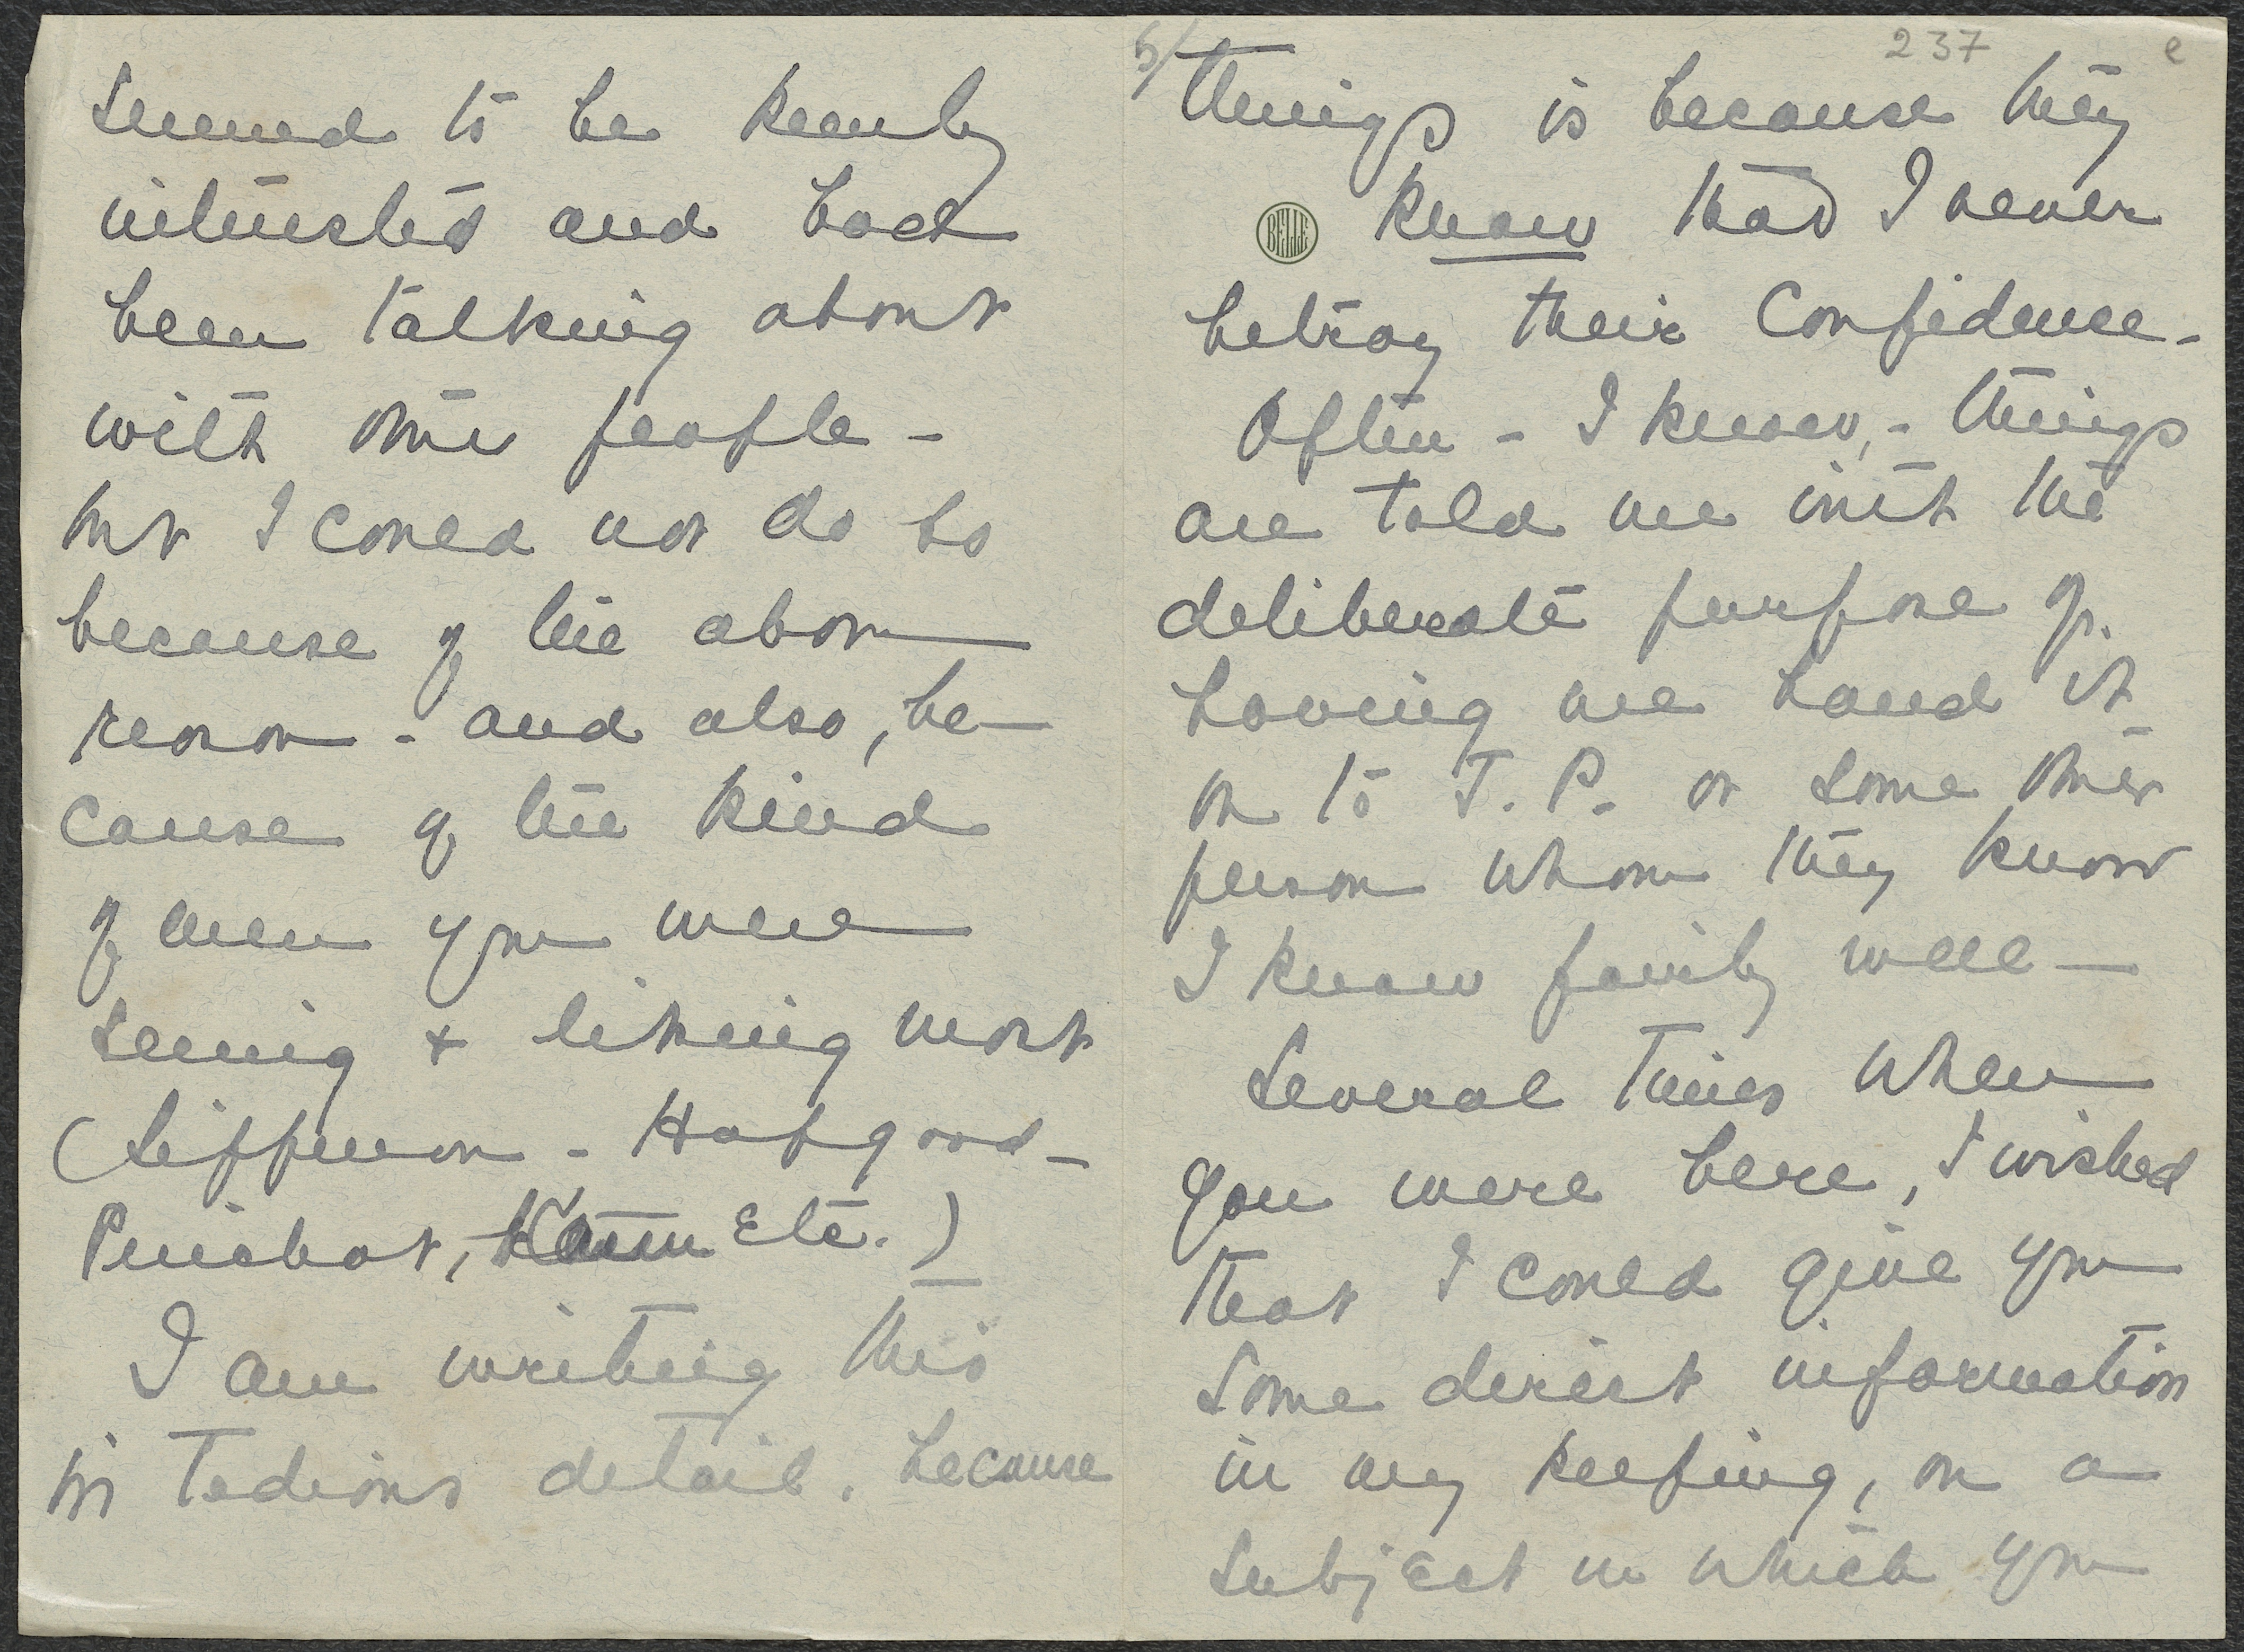5/
things is because they know that I never betray their confidence – Often – I know, – things are told me with the deliberate purpose of having me hand it on to J. P. or some other person whom they know I know fairly well – Several times when you were here, I wished that I could give you some direct information in my keeping, on a subject in which you
seemed to be keenly interested and had been talking about with other people – but I could not do so because of the above reason – and also, because of the kind of men you were seeing & liking most (Sippmon – Hapgood – Pinchot, Kahn etc.)
I am writing this in tedious detail, because